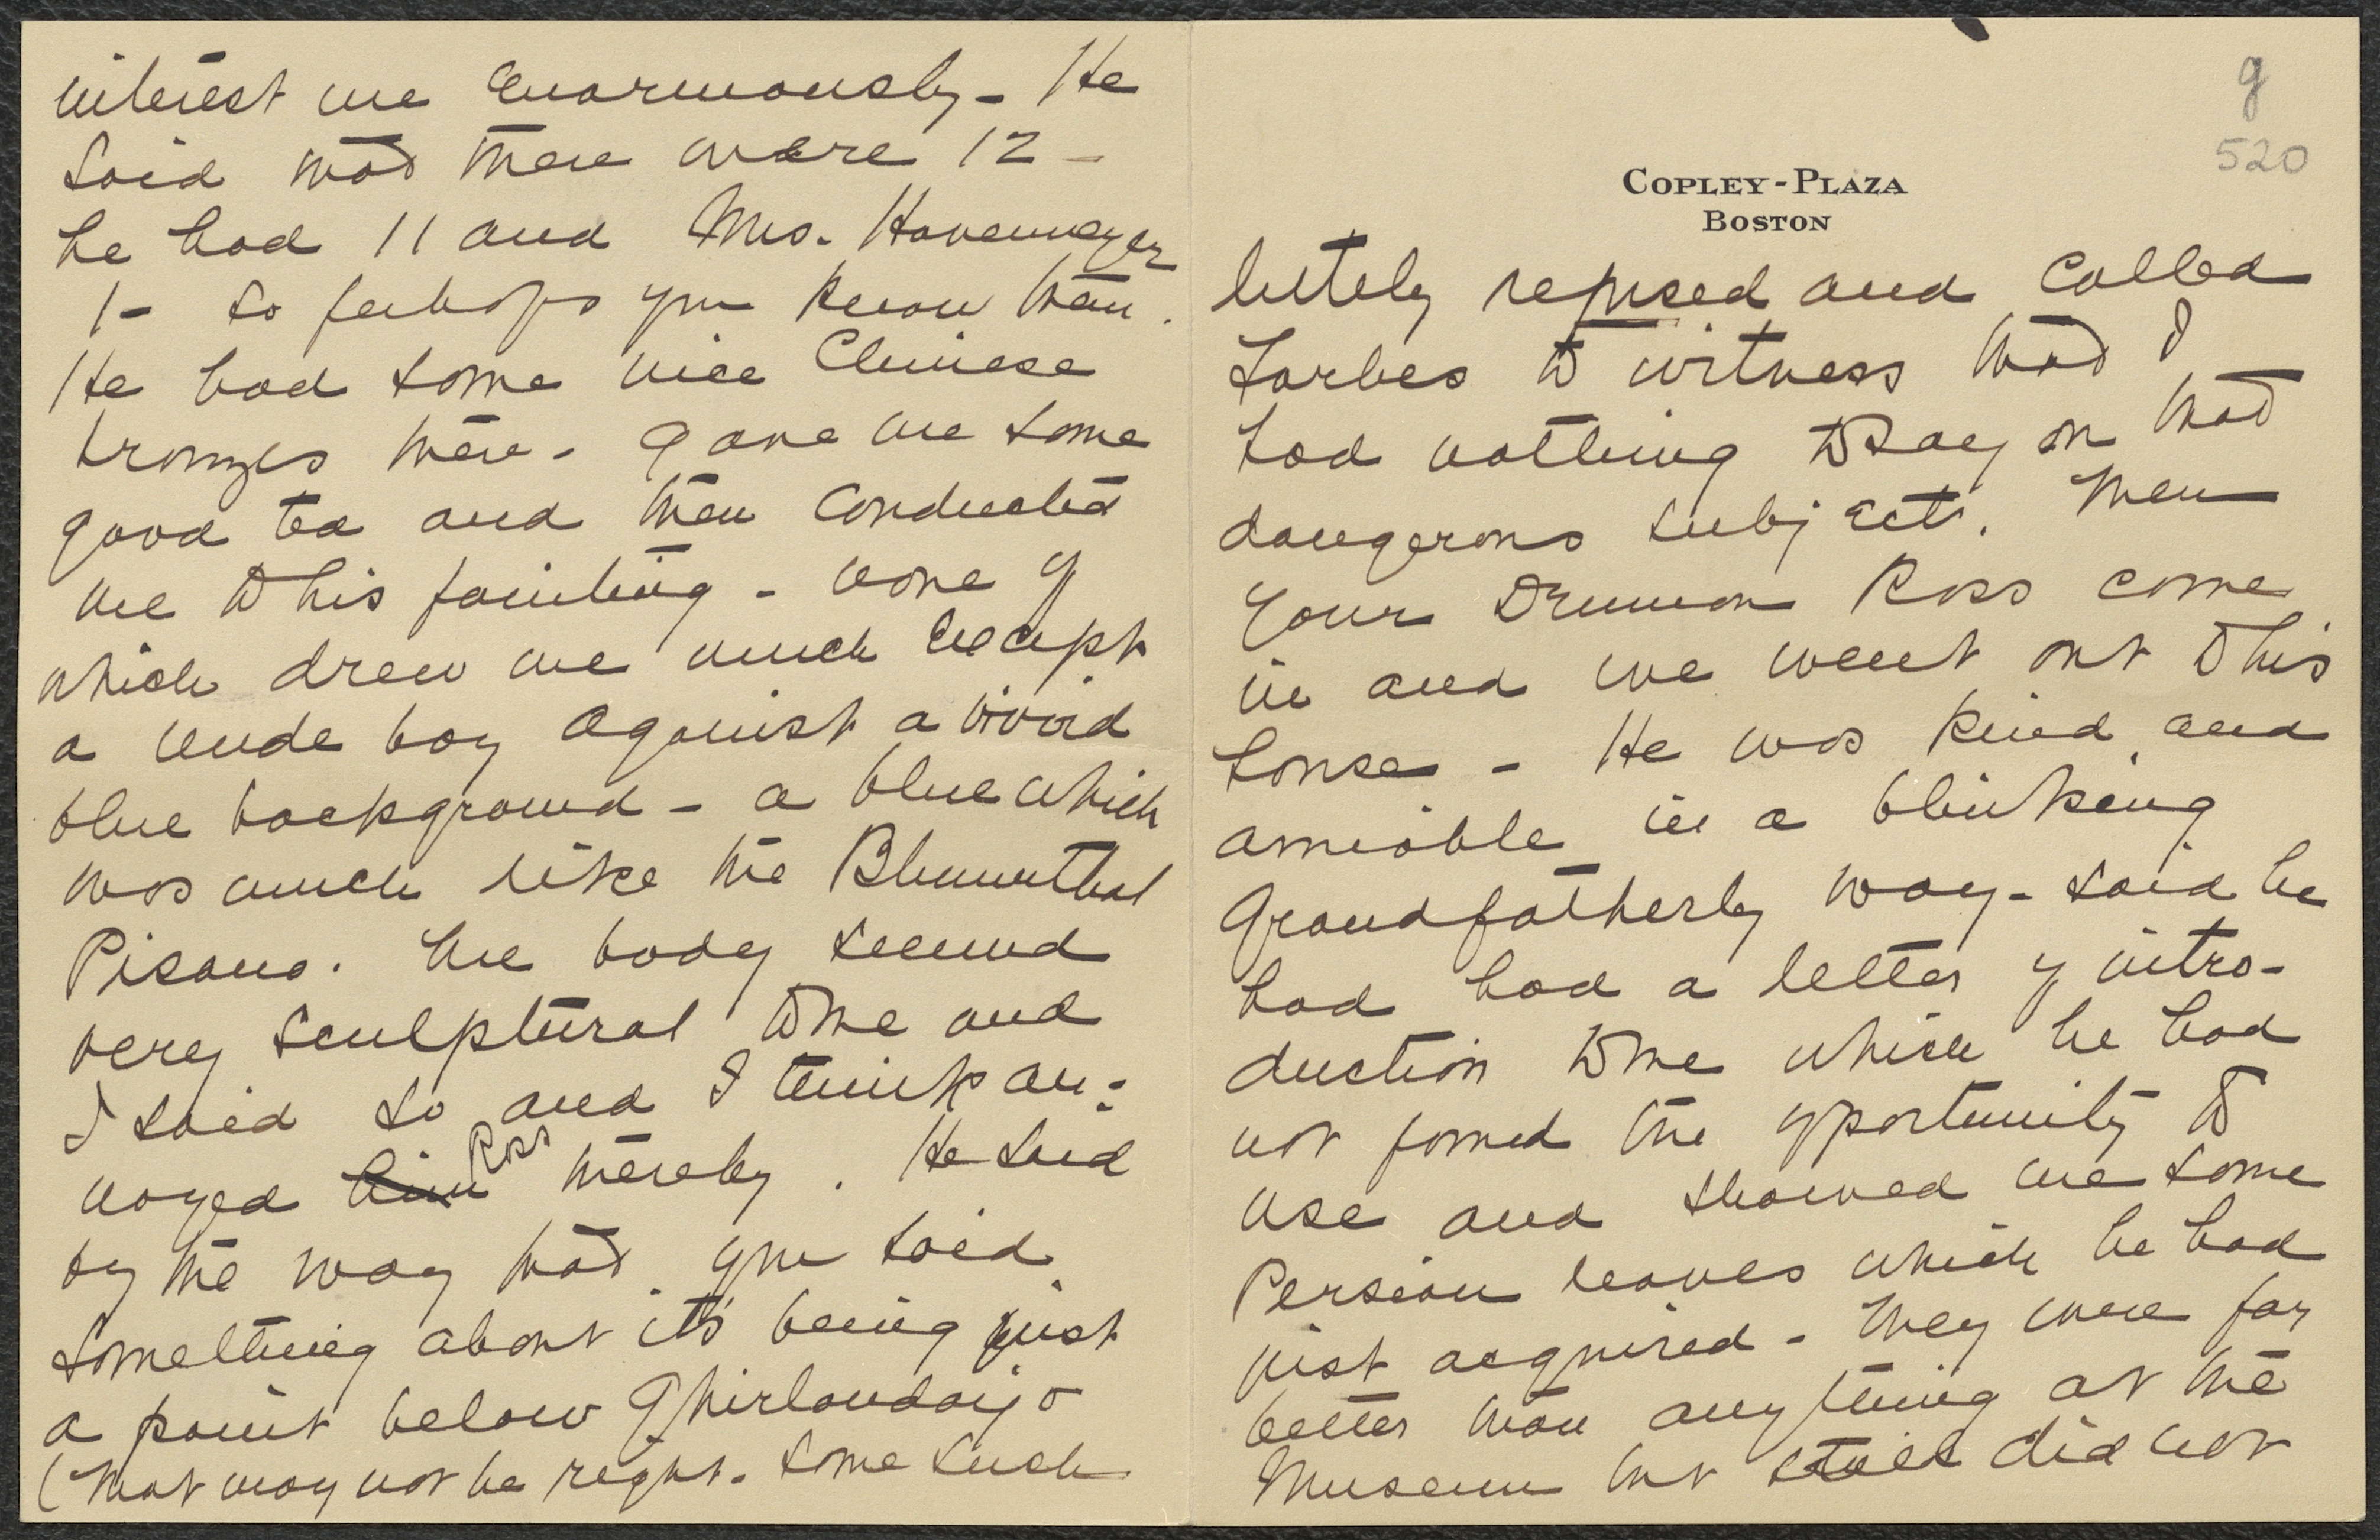absolutely refused and called Forbes to witness that I had nothing to say on that dangerous subject. Then your Denman Ross came in and we went out to his house – He was kind and amiable in a blinking grandfatherly way – said he had had a letter of introduction to me which he had not found the opportunity to use and showed me some Persian leaves which he had just acquired – “they were far better than anything at the Museum but still did not
interest me enormously” – He said that there were 12 – he had 11 and Mrs. Havemeyer 1 – so perhaps you know them. He had some nice Chinese bronzes there – gave me some good tea and then conducted me to his painting – none of which drew me much except a nude boy against a vivid blue background – a blue which was much like the Blumenthal Picasso. The body seemed very sculptural to me and I said so and I think annoyed him [^Ross^] thereby. He said by the way that you said something about its being just a point below Ghirlandaiyo
[sic] (that may not be right – some such